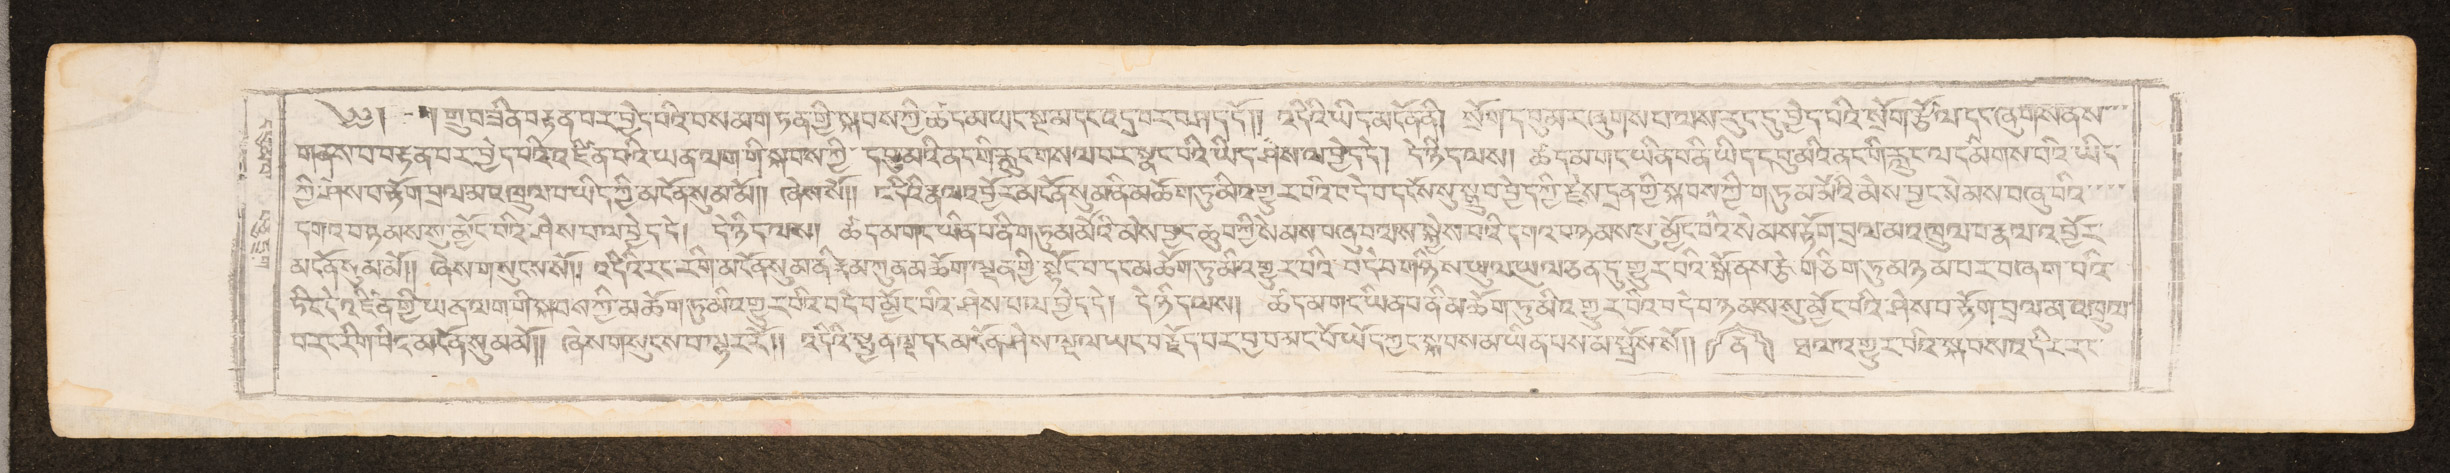༄༅། །གྲུབ་ཟིན་བརྟན་པར་བྱེད་པའི་བསམ་གཏན་གྱི་སྐབས་ཀྱི་ཚད་མ་ཡང་སྔ་མ་དང་འདྲ་བར་བཤད་དོ།། འདིའི་ཡིད་མངོན་ནི། སྲོག་དབུ་མར་ཞུགས་པ་ལས་རུང་དུ་བྱེད་པའི་སྲོག་རྩོལ་དང་ཞུགས་ནས་
གནས་པ་བརྟན་པར་བྱེད་པའི་འཛིན་བའི་ཡན་ལག་གི་སྐབས་ཀྱི་དབུ་མའི་ནང་གི་རླུང་གསལ་བར་སྣང་བའི་ཡིད་ཤེས་ལ་བྱེད་དེ། དེ་ཉིད་ལས། ཚད་མ་གང་ཡིན་པ་ནི་ཡིད་དབུ་མའི་ནང་གི་རླུང་ལ་དམིགས་པའི་ཡིད་
ཀྱི་ཤེས་པ་རྟོག་བྲལ་མ་འཁྲུལ་བ་ཡིད་ཀྱི་མངོན་སུམ་མོ།། ཞེས་སོ།། འདིའི་རྣལ་འབྱོར་མངོན་སུམ་ནི་མཆོག་ཏུ་མི་འགྱུར་བའི་བདེ་བ་དངོས་སུ་སྒྲུབ་བྱེད་ཀྱི་རྗེས་དྲན་གྱི་སྐབས་ཀྱི་གཏུམ་མོའི་མེས་བྱང་སེམས་བཞུ་བའི་
དགའ་བ་ཉམས་སུ་མྱོང་བའི་ཤེས་པ་ལ་བྱེད་དེ། དེ་ཉིད་ལས། ཚད་མ་གང་ཡིན་པ་ནི་གཏུམ་མོའི་མེས་བྱང་ཆུབ་ཀྱི་སེམས་བཞུ་བ་ལས་སྐྱེས་པའི་དགའ་བ་ཉམས་སུ་མྱོང་བའི་སེམས་རྟོག་བྲལ་མ་འཁྲུལ་བ་རྣལ་འབྱོར་
མངོན་སུམ་མོ།། ཞེས་གསུངས་སོ།། འདིའི་རང་རིག་མངོན་སུམ་ནི་རྣམ་ཀུན་མཆོག་ལྡན་གྱི་སྟོང་བ་དང་མཆོག་ཏུ་མི་འགྱུར་བའི་བདེ་བ་གཉིས་ཡུལ་ཡུལ་ཅན་དུ་གྱུར་བའི་སྒོ་ནས་རྩེ་གཅིག་ཏུ་མཉམ་པར་བཞག་པའི་
ཏིང་ངེ་འཛིན་གྱི་ཡན་ལག་གི་སྐབས་ཀྱི་མཆོག་ཏུ་མི་འགྱུར་བའི་བདེ་བ་མྱོང་བའི་ཤེས་པ་ལ་བྱེད་དེ། དེ་ཉིད་ལས། ཚད་མ་གང་ཡིན་པ་ནི་མཆོག་ཏུ་མི་འགྱུར་བའི་བདེ་བ་ཉམས་སུ་མྱོང་བའི་ཤེས་པ་རྟོག་བྲལ་མ་འཁྲུལ་
བ་རང་རིག་པའི་མངོན་སུམ་མོ།། ཞེས་གསུངས་པ་ལྷར་རོ།། འདིའི་སྦྱན་ལྔ་དང་མངོན་ཤེས་ལྔ་ལ་ཡང་བརྗོད་པར་བྱ་བ་མང་པོ་ཡོད་ཀྱང་སྐབས་མ་ཡིན་པས་མ་སྤྲོས་སོ།། ༼༽ན༼༽ ཐལ་འགྱུར་བའི་སྐབས་འདིར་རང་